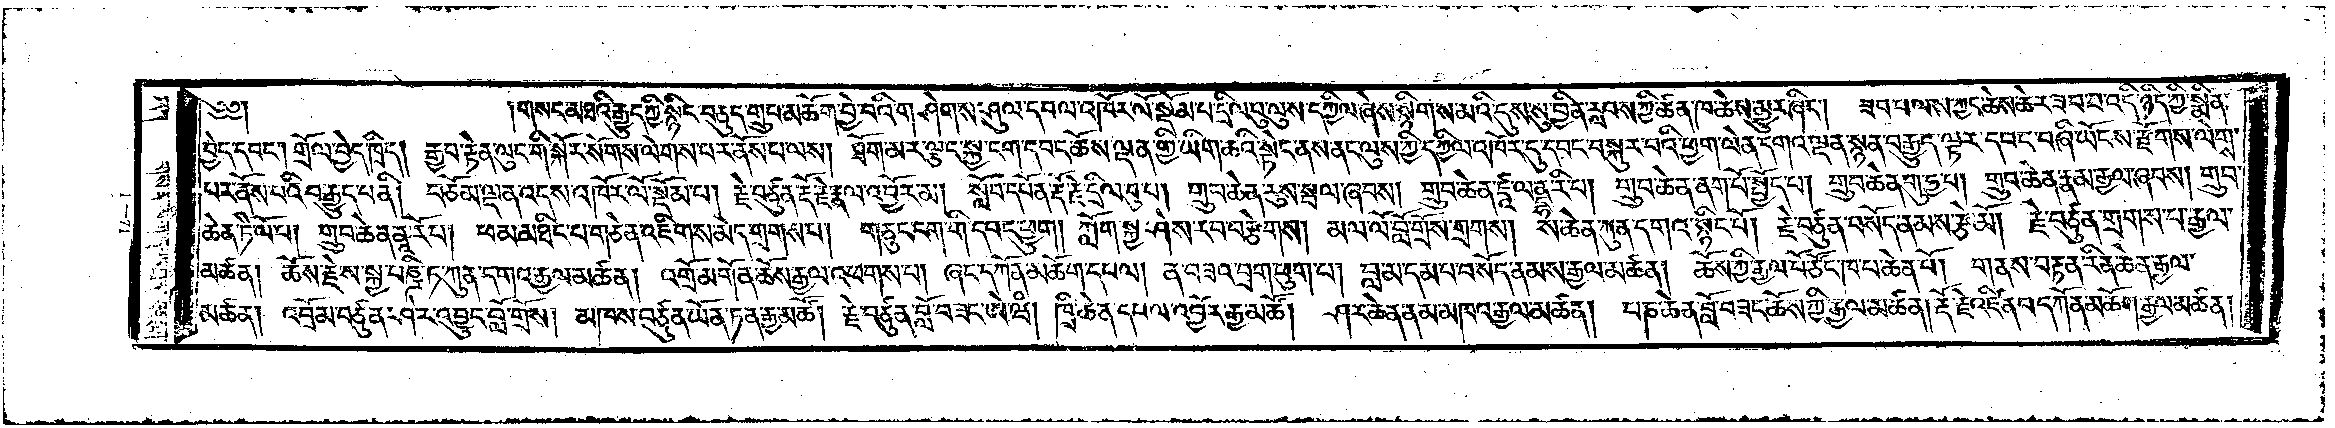༄༅། །གསང་མཐའི་རྒྱུད་ཀྱི་སྙིང་བཅུད་གྲུབ་མཆོག་བྱེ་བའི་གཤེགས་ཤུལ་དཔལ་འཁོར་ལོ་སྡོམ་པ་དྲིལ་བུ་ལུས་དཀྱིལ་ཞེས་སྙིགས་མའི་དུས་སུ་བྱིན་རླབས་ཀྱི་ཚན་ཁ་ཆེས་མྱུར་ཞིང་། ཟབ་པ་ལས་ཀྱང་ཆེས་ཆེར་ཟབ་པ་འདི་ཉིད་ཀྱི་སྨིན་
བྱེད་དབང་། གྲོལ་བྱེད་ཁྲིད། རྒྱབ་རྟེན་ལུང་གི་སྐོར་སོགས་ལེགས་པར་ནོས་པ་ལས། ཐོག་མར་ལྕང་སྐྱ་ངག་དབང་ཆོས་ལྡན་གྱི་ཡིག་ཆེའི་སྟེང་ནས་ནང་ལུས་ཀྱི་དཀྱིལ་འཁོར་དུ་དབང་བསྐུར་བའི་ཕྱག་ལེན་དགའ་ལྡན་སྙན་བརྒྱུད་ལྟར་དབང་བཞི་ཡོངས་རྫོགས་ལེགས་
པར་ནོས་པའི་བརྒྱུད་པ་ནི། བཅོམ་ལྡན་འདས་འཁོར་ལོ་སྡོམ་པ། རྗེ་བཙུན་རྡོ་རྗེ་རྣལ་འབྱོར་མ། སློབ་དཔོན་རྡོ་རྗེ་དྲིལ་བུ་པ། གྲུབ་ཆེན་རུས་སྦལ་ཞབས། གྲུབ་ཆེན་ཛཱ་ལནྡྷ་རི་པ། གྲུབ་ཆེན་ནག་པོ་སྤྱོད་པ། གྲུབ་ཆེན་གུ་ཧྱ་པ། གྲུབ་ཆེན་རྣམ་རྒྱལ་ཞབས། གྲུབ་
ཆེན་ཏི་ལོ་པ། གྲུབ་ཆེན་ནཱ་རོ་པ། ཕམ་མཐིང་པ་གཅེན་འཇིགས་མེད་གྲངས་པ། གཅུང་ངག་གི་དབང་ཕྱུག། ཀློག་སྐྱ་ཤེས་རབ་བརྩེགས། མལ་ལོ་བློ་གྲོས་གྲགས། ས་ཆེན་ཀུན་དགའ་སྙིང་པོ། རྗེ་བཙུན་བསོད་ནམས་རྩེ་མོ། རྗེ་བཙུན་གྲགས་པ་རྒྱལ་
མཚན། ཆོས་རྗེས་སྐྱ་པཎྜི་ཏ་ཀུན་དགའ་རྒྱལ་མཚན། འགྲོ་མགོན་ཆོས་རྒྱལ་འཕགས་པ། ཞང་དཀོན་མཆོག་དཔལ། ན་བཟའ་བྲག་ཕུག་པ། བླ་མ་དམ་པ་བསོད་ནམས་རྒྱལ་མཚན། ཆོས་ཀྱི་རྒྱལ་པོ་ཙོང་ཁ་པ་ཆེན་པོ། གནས་བརྟན་རིན་ཆེན་རྒྱལ་
མཚན། འབྲོམ་བཙུན་ཤེར་འབྱུང་བློ་གྲོས། མཁས་བཙུན་ཡོན་ཏན་རྒྱ་མཚོ། རྗེ་བཙུན་བློ་བཟང་ཨེ་ཝཾ། ཁྲི་ཆེན་དཔལ་འབྱོར་རྒྱ་མཚོ། ཤར་ཆེན་ནམ་མཁའ་རྒྱལ་མཚན། པཎ་ཆེན་བློ་བཟང་ཆོས་ཀྱི་རྒྱལ་མཚན། རྡོ་རྗེ་འཛིན་པ་དཀོན་མཆོག་རྒྱལ་མཚན།